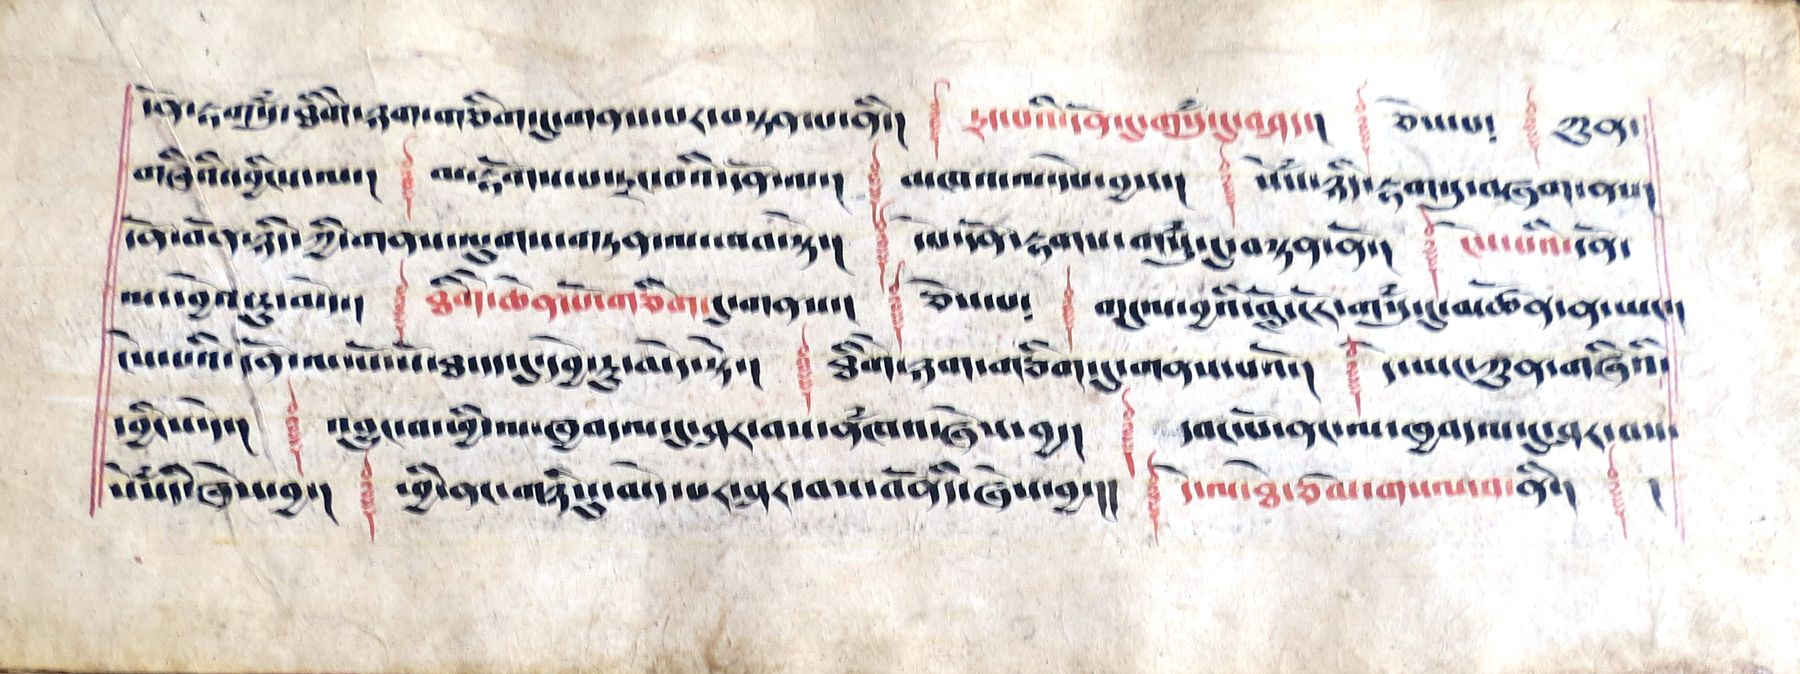དོན་རྟགས་གསུམ་ཐིག་ལེ་ཉག་གཅིག་ཏུ་གནས་པར་བསྟན་པ་ནི། དྲང་པའི་དོན་དུ་གསུམ་དུ་བཤད། །ཅེས་པས། ཀུན་
གཞིའི་དབྱིངས་ལ། མ་རྟོགས་པ་དྲང་པའི་དོན་ལ། མཁའ་ལ་དཔེ་བྱས། སེམས་ཉིད་རྟགས་སུ་བཞག་ནས། 
དོན་བོན་ཉིད་ཀྱི་གནས་ལུགས་གཏན་ལ་ཕབ་སྟེ། དཔེ་དོན་རྟགས་གསུམ་དུ་བསྟན་ཏོ། །ངེས་པའི་དོན་
ལ་དབྱེ་རུ་མེད། ཐིག་ལེ་ཆེན་པོ་གཅིག་ཏུ་གནས། །ཞེས་པས། གདུལ་བྱའི་བློ་ངོར་གསུམ་དུ་མཚོན་ན་ཡང་།
 ངེས་པའི་དོན་ལ་སོ་སོ་ཐ་དད་དུ་དབྱེ་རུ་མེད་དེ། ཐིག་ལེ་ཉག་གཅིག་ཏུ་གནས་པའོ། །དེ་ཡང་ཀུན་གཞིའི་
དབྱིངས་དེ། འབྱུང་བ་ཕྱི་ལ་ཁྱབ་བདལ་དུ་ཤར་བས་ནམ་མཁའ་ཞེས་བྱ། དབང་པོ་ནང་ལ་ཁྱབ་བདལ་དུ་ཤར་བས་
སེམས་ཉིད་ཞེས་བྱ། ཕྱི་ནང་གཉིས་སུ་མེད་པར་ཤར་བས་བོན་ཉིད་ཞེས་བྱ། དེ་ལ་ཐེ་ཚོམ་བསལ་བ་ནི།